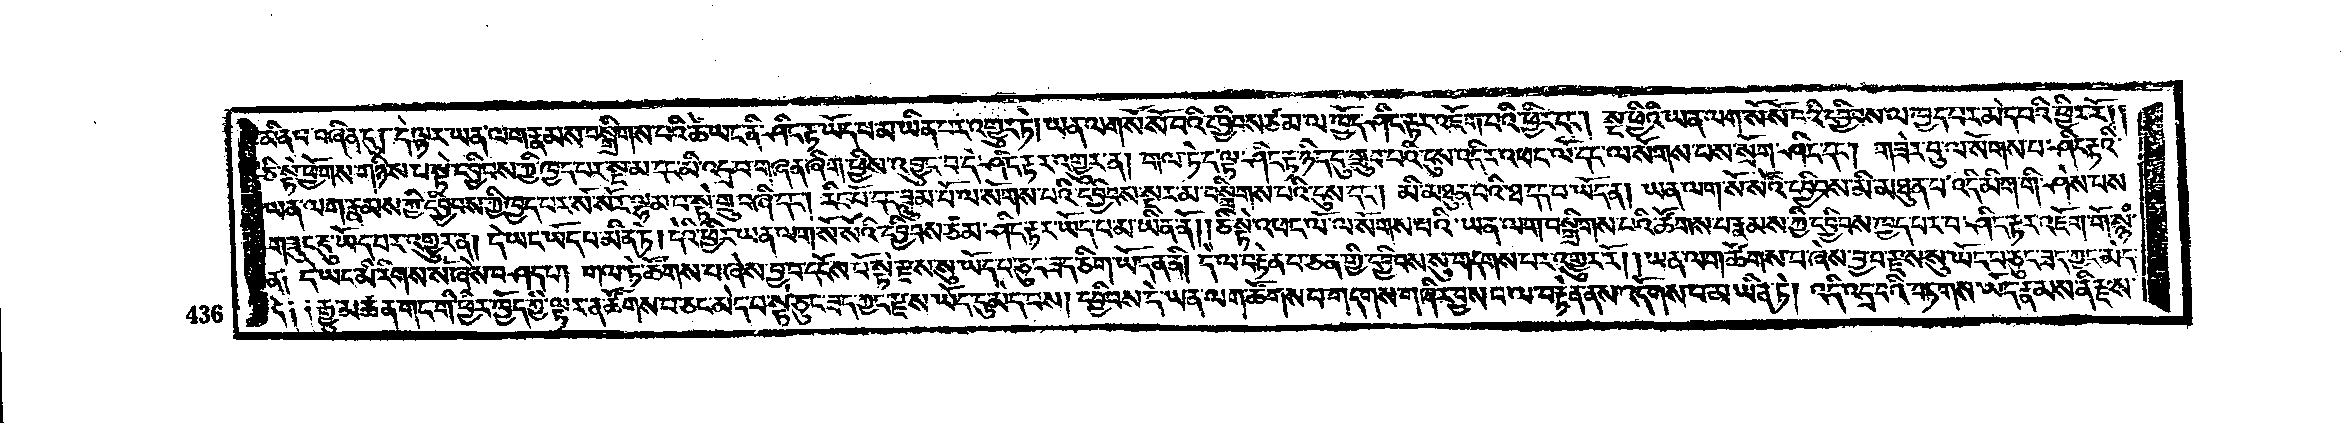མིན་པ་བཞིན་དུ། དེ་ལྟར་ཡན་ལག་རྣམས་བསྒྲིགས་པའི་ཚེ་ཡང་ནི་ཤིང་རྟ་ཡོད་པ་མ་ཡིན་པར་འགྱུར་ཏེ། ཡན་ལག་སོ་སོ་བའི་དབྱིབས་ཙམ་ལ་ཁྱོད་ཤིང་རྟར་འཇོག་པའི་ཕྱིར་དང་། སྔ་ཕྱིའི་ཡན་ལག་སོ་སོ་བའི་དབྱིབས་ལ་ཁྱད་པར་མེད་པའི་ཕྱིར་རོ། །
ཅི་སྟེ་ཕྱོགས་གཉིས་པ་སྟེ་དབྱིབས་ཀྱི་ཁྱད་པར་སྔ་མ་དང་མི་འདྲ་བ་གཞན་ཞིག་ཕྱིས་འབྱུང་བ་དེ་ཤིང་རྟར་འགྱུར་ན། གལ་ཏེ་ད་ལྟ་ཤིང་རྟ་ཉིད་དུ་གྲུབ་པའི་དུས་འདིར་འཕང་ལོ་དང་ལ་སོགས་པས་སྲོག་ཤིང་དང་། གཟེར་བུ་ལ་སོགས་པ་ཤིང་རྟའི་
ཡན་ལག་རྣམས་ཀྱི་དབྱིབས་ཀྱི་ཁྱད་པར་སོ་སོར་ལྷམ་པ་སྟེ་གྲུ་བཞི་དང་། རིང་པོ་དང་ཟླུམ་པོ་ལ་སོགས་པའི་དབྱིབས་སྔར་མ་བསྒྲིགས་པའི་དུས་དང་། མི་མཐུན་པའི་ཐ་དད་པ་ཡོད་ན། ཡན་ལག་སོ་སོའི་དབྱིབས་མི་མཐུན་པ་འདི་མིག་གི་ཤེས་པས་
གཟུང་དུ་ཡོད་པར་འགྱུར་ན། དེ་ཡང་ཡོད་པ་མིན་ཏེ། དེའི་ཕྱིར་ཡན་ལག་སོ་སོའི་དབྱིབས་ཙམ་ཤིང་རྟར་ཡོད་པ་མ་ཡིན་ནོ། །ཅི་སྟེ་འཕང་ལོ་ལ་སོགས་པའི་ཡན་ལག་བསྒྲིགས་པའི་ཚོགས་པ་རྣམས་ཀྱི་དབྱིབས་ཁྱད་པར་བ་ཤིང་རྟར་འཇོག་གོ་སྙམ་
ན། དེ་ཡང་མི་རིགས་སོ་ཞེས་བཤད་པ། གལ་ཏེ་ཚོགས་པ་ཞེས་བྱ་བ་དངོས་པོ་སྟེ་རྫས་སུ་ཡོད་པ་ཅུང་ཟད་ཅིག་ཡོད་ན་ནི། དེ་ལ་བརྟེན་པ་ཅན་གྱི་དབྱིབས་སུ་གདགས་པར་འགྱུར་རོ། །ཡན་ལག་ཚོགས་པ་ཞེས་བྱ་བ་རྫས་སུ་ཡོད་པ་ཅུང་ཟད་ཀྱང་མེད་
དེ། །རྒྱུ་མཚན་གང་གི་ཕྱིར་ཁྱོད་ཀྱི་ལྟར་ན་ཚོགས་པ་ཅང་མེད་པ་སྟེ་ཅུང་ཟད་ཀྱང་རྫས་ཡོད་དུ་མེད་པས། དབྱིབས་དེ་ཡན་ལག་ཚོགས་པ་གདགས་གཞིར་བྱས་པ་ལ་བརྟེན་ནས་འདོགས་པ་མ་ཡིན་ཏེ། འདི་འདྲ་བའི་བཏགས་ཡོད་རྣམས་ནི་རྫས་